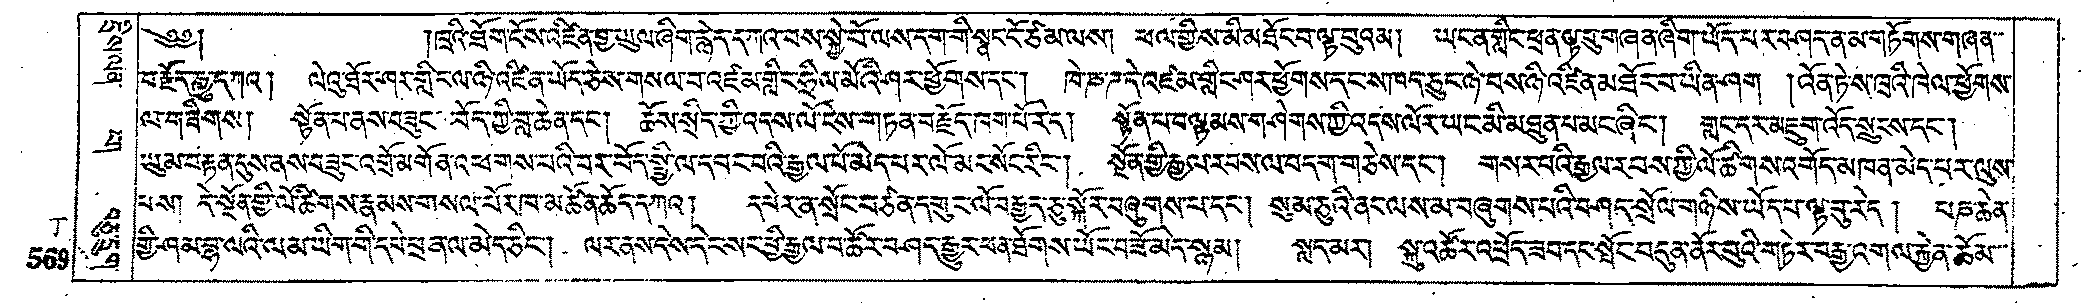༄༅། །ཁྲའི་ཐོག་ངོས་འཛིན་བྱ་ཡུལ་ཞིག་རྙེད་དཀའ་བས་སྐྱེ་བོ་ལས་དག་གི་སྣང་ངོ་ཙམ་ལས། ཕལ་གྱིས་མི་མཐོང་བ་ལྟ་བུའམ། ཡང་ན་གླིང་ཕྲན་ལྟ་བུ་གཞན་ཞིག་ཡོད་པར་བཤད་ན་མ་གཏོགས་གཞན་་་
བརྗོད་རྒྱུ་དཀའ། ལེའུ་ཐོར་ཤར་གླིང་ལ་ཉི་འཛིན་ཡོད་ཅེས་གསལ་བ་འཛམ་གླིང་ཧྲིལ་མོའི་ཤར་ཕྱོགས་དང་། ཁེ་ཎ་ཌ་དེ་འཛམ་གླིང་ཤར་ཕྱོགས་དང་ས་ཁད་ཅུང་ཉེ་བས་ཉི་འཛིན་མཐོང་བ་ཡིན་ཤག །འོན་ཏེ་ས་ཁྲའི་ཁེལ་ཕྱོགས་
ལ་གཟིགས། སྟོན་པ་ནས་བཟུང་བོད་ཀྱི་བླ་ཆེན་དང་། ཆོས་སྲིད་ཀྱི་འདས་ལོ་ངེས་གཏན་བརྗོད་ཁག་པོ་རེད། སྟོན་པ་བལྟམས་གཤེགས་ཀྱི་འདས་ལོར་ཡང་མི་མཐུན་པ་མང་ཞིང་། གླང་དར་མཇུག་འོད་སྲུངས་དང་།
ཡུམ་བརྟན་དུས་ནས་བཟུང་འགྲོ་མགོན་འཕགས་པའི་བར་བོད་སྤྱི་ལ་དབང་བའི་རྒྱལ་པོ་མེད་པར་ལོ་མང་སོང་རིང་། སྔོན་གྱི་རྒྱལ་རབས་ལ་བདག་གཅེས་དང་། གསར་པའི་རྒྱལ་རབས་ཀྱི་ལོ་ཚིགས་འགོད་མཁན་མེད་པར་ལུས་
པས། དེ་སྔོན་གྱི་ལོ་ཚིགས་རྣམས་གསལ་པོར་ཁ་མཚོན་ཆོད་དཀའ། དཔེར་ན་སྲོང་བཙན་དགུང་ལོ་བརྒྱད་ཅུ་སྐོར་བཞུགས་པ་དང་། སུམ་ཅུའི་ནང་ལས་མ་བཞུགས་པའི་བཤད་སྲོལ་གཉིས་ཡོད་པ་ལྟ་བུ་རེད། པཎ་ཆེན་
གྱི་ཤམ་བྷ་ལའི་ལམ་ཡིག་གི་དཔེ་ཕྲན་ལ་མེད་ཅིང་། ལར་ནས་དེས་དེང་སང་ཕྱི་རྒྱལ་བ་ཚོར་བཤད་རྒྱུར་ཕན་ཐོགས་ཡོང་བཟོ་མེད་སྙམ། སླད་མར། སྐུ་འཚོར་འཕྲོད་ཟབ་དང་སྤོང་བདུན་ནོར་བུའི་གཏེར་བརྒྱ་འགལ་རྐྱེན་ཆོམ་་་